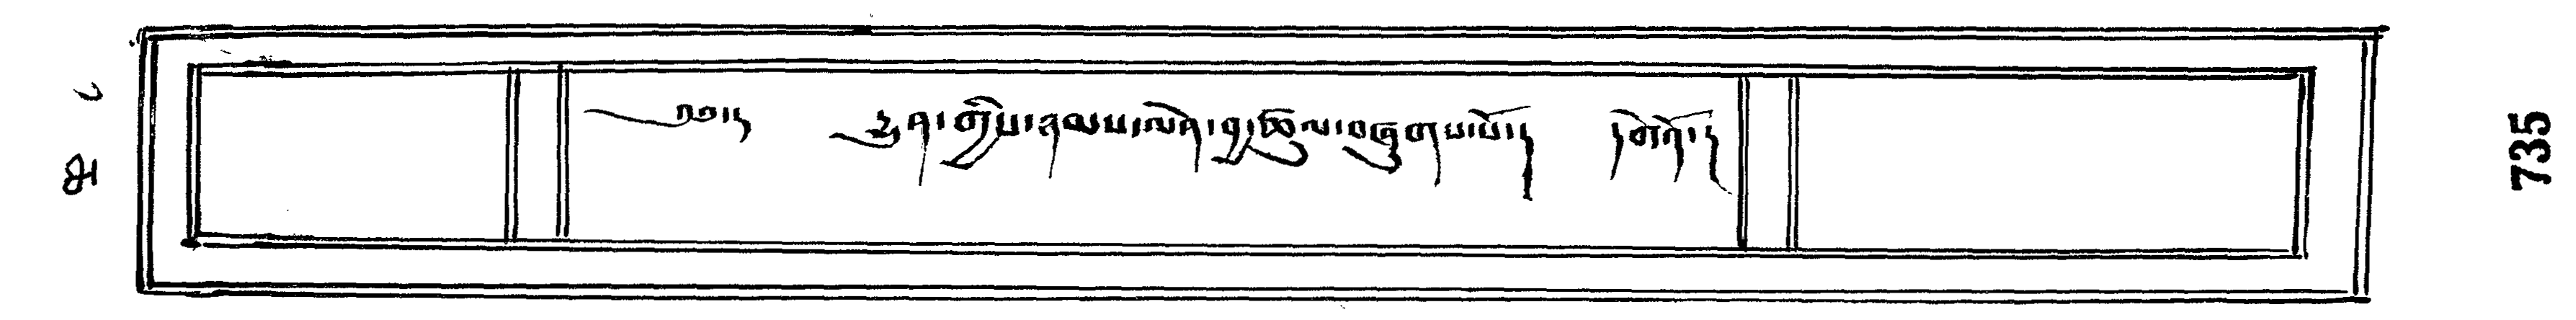༄༅། རྒྱུན་གྱིས་ཉམས་ལེན་བྱ་ཚུལ་བཞུགས་སོ། དགེའོ།